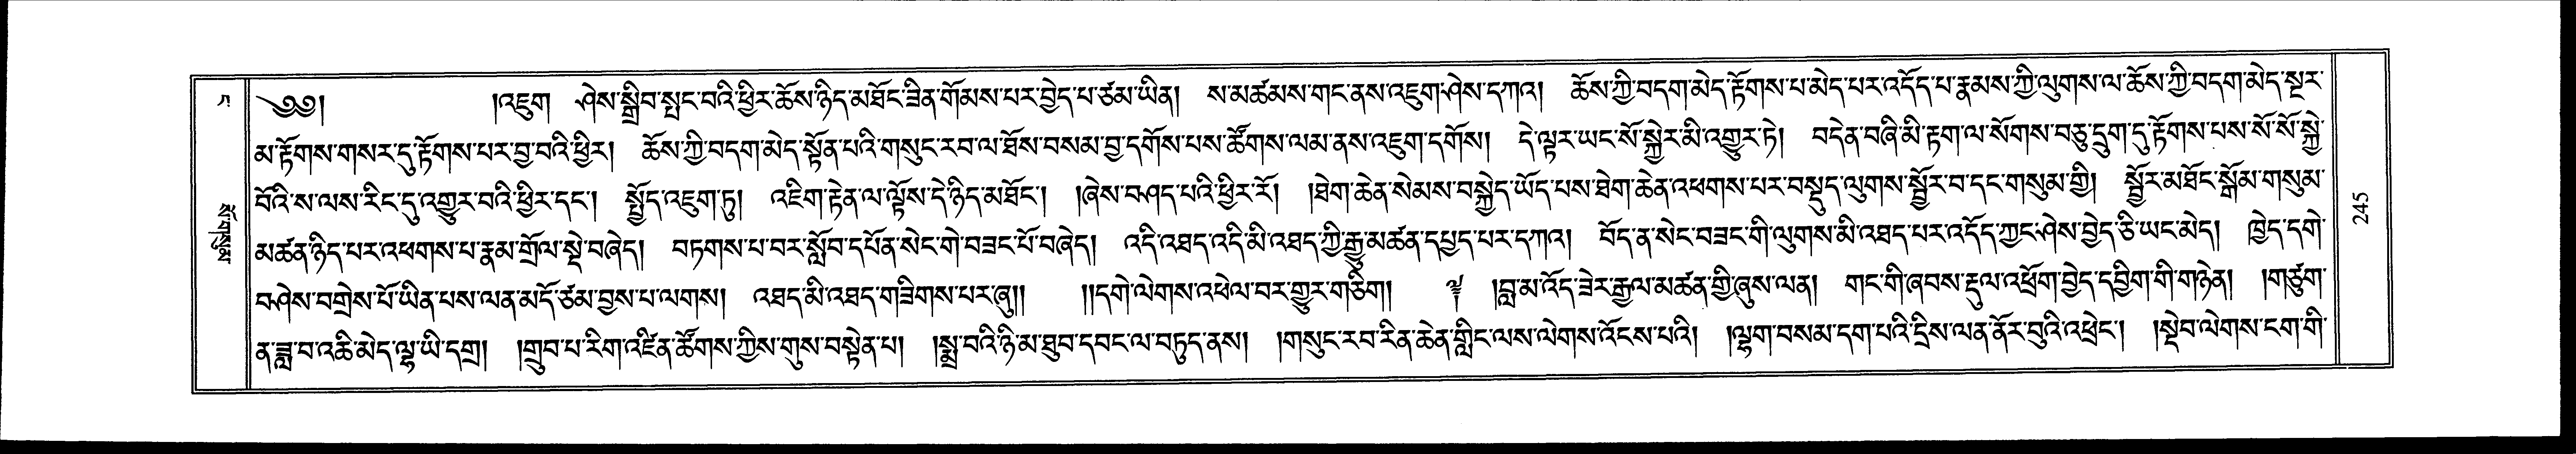༄༅། །འཇུག །ཤེས་སྒྲིབ་སྤང་བའི་ཕྱིར་ཆོས་ཉིད་མཐོང་ཟིན་གོམས་པར་བྱེད་པ་ཙམ་ཡིན། ས་མཚམས་གང་ནས་འཇུག་ཤེས་དཀའ། ཆོས་ཀྱི་བདག་མེད་རྟོགས་པ་མེད་པར་འདོད་པ་རྣམས་ཀྱི་ལུགས་ལ་ཆོས་ཀྱི་བདག་མེད་སྔར་
མ་རྟོགས་གསར་དུ་རྟོགས་པར་བྱ་བའི་ཕྱིར། ཆོས་ཀྱི་བདག་མེད་སྟོན་པའི་གསུང་རབ་ལ་ཐོས་བསམ་བྱ་དགོས་པས་ཚོགས་ལམ་ནས་འཇུག་དགོས། དེ་ལྟར་ཡང་སོ་སྐྱེར་མི་འགྱུར་ཏེ། བདེན་བཞི་མི་རྟག་ལ་སོགས་བཅུ་དྲུག་དུ་རྟོགས་པས་སོ་སོ་སྐྱེ་
བོའི་ས་ལས་རིང་དུ་འགྱུར་བའི་ཕྱིར་དང་། སྤྱོད་འཇུག་ཏུ། འཇིག་རྟེན་ལ་ལྟོས་དེ་ཉིད་མཐོང་། །ཞེས་བཤད་པའི་ཕྱིར་རོ། །ཐེག་ཆེན་སེམས་བསྐྱེད་ཡོད་པས་ཐེག་ཆེན་འཕགས་པར་བསྡུད་ལུགས་སྦྱོར་བ་དང་གསུམ་གྱི། སྦྱོར་མཐོང་སྒོམ་གསུམ་
མཚན་ཉིད་པར་འཕགས་པ་རྣམ་གྲོལ་སྡེ་བཞེད། བཏགས་པ་བར་སློབ་དཔོན་སེང་གེ་བཟང་པོ་བཞེད། འདི་འཐད་འདི་མི་འཐད་ཀྱི་རྒྱུ་མཚན་དཔྱད་པར་དཀའ། བོད་ན་སེང་བཟང་གི་ལུགས་མི་འཐད་པར་འདོད་ཀྱང་ཤེས་བྱེད་ཅི་ཡང་མེད། ཁྱེད་དགེ་
བཤེས་བགྲེས་པོ་ཡིན་པས་ལན་མདོ་ཙམ་བྱས་པ་ལགས། འཐད་མི་འཐད་གཟིགས་པར་ཞུ།། །།དགེ་ལེགས་འཕེལ་བར་གྱུར་གཅིག། ༈ །བླ་མ་འོད་ཟེར་རྒྱལ་མཚན་གྱི་ཞུས་ལན། གང་གི་ཞབས་རྡུལ་འཕྲོག་བྱེད་དབྱིག་གི་གཉེན། །གཙུག་
ན་ཟླ་བ་འཆི་མེད་ལྷ་ཡི་དགྲ། །གྲུབ་པ་རིག་འཛིན་ཚོགས་ཀྱིས་གུས་བསྟེན་པ། །སྨྲ་བའི་ཉི་མ་ཐུབ་དབང་ལ་བཏུད་ནས། །གསུང་རབ་རིན་ཆེན་གླིང་ལས་ལེགས་འོངས་པའི། །ལྷག་བསམ་དག་པའི་དྲིས་ལན་ནོར་བུའི་འཕྲེང་། །སྡེབ་ལེགས་ངག་གི་